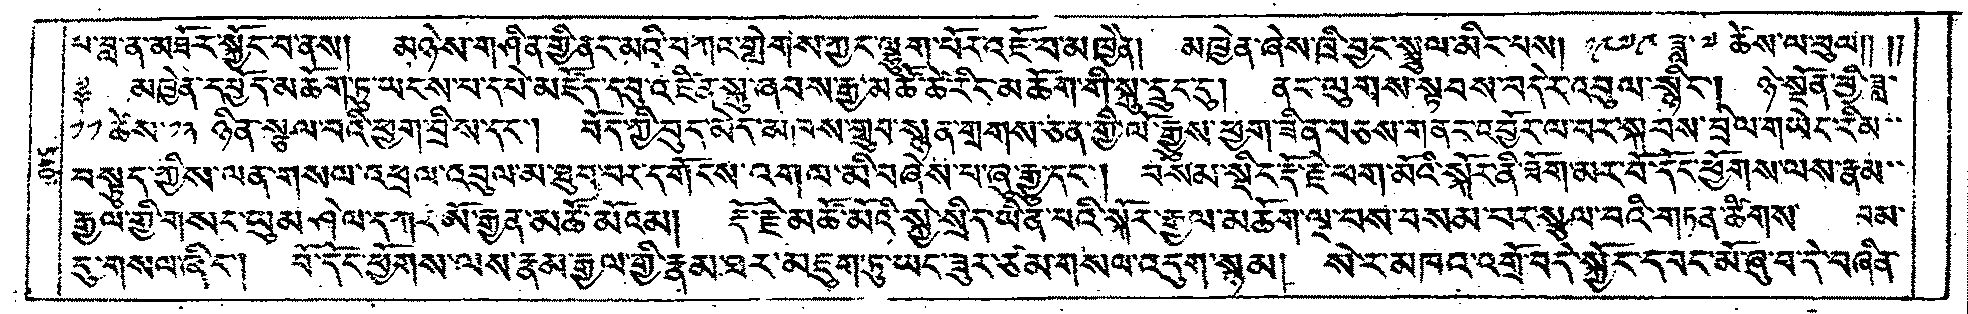པ་བླ་ན་མཐོར་སྐྱོང་བ་ནས། མཉེས་གཤིན་གྱི་ནང་མའི་བཀའ་གླེགས་ཀྱང་ལྷུག་པོར་འཇོ་བ་མཁྱཻན། མཁྱེན་ཞེས་ཁྲི་བྱང་སྤྲུལ་མིང་པས། ༡༩༧༩་ཟླ ༧་ཚེས་ལ་ཕུལ།། །།
༈ མཁྱེན་དཔྱོད་མཆོག་ཏུ་ཡངས་པ་དཔེ་མཛོད་དབུ་འཛིན་སྐུ་ཞབས་རྒྱ་མཚོ་ཚེ་རིང་མཆོག་གི་སྐུ་དྲུང་དུ། ནང་ལུགས་སྟབས་བདེར་འབུལ་སྙིང་། ཉེ་སྔོན་ཕྱི་ཟླ་
༡༡་ཚེས ༡༢་ཉིན་སྩལ་བའི་ཕྱག་བྲིས་དང་། བོད་ཀྱི་བུད་མེད་མཁས་གྲུབ་སྙན་གྲགས་ཅན་གྱི་ལོ་རྒྱུས་ཕྱག་ཟིན་བཅས་གནང་འབྱོར་ལ་བར་སྐབས་བྲེལ་གཡེང་རིམ་
བསྟུད་ཀྱིས་ལན་གསལ་འཕྲལ་འབུལ་མ་ཐུབ་པར་དགོངས་འགལ་མི་བཞེས་པ་ཞུ་རྒྱུ་དང་། བསམ་སྡིང་རྡོ་རྗེ་ཕག་མོའི་སྐོར་ནི་ཐོག་མར་བོ་དོང་ཕྱོགས་ལས་རྣམ་
རྒྱལ་གྱི་གསང་ཡུམ་ཤེལ་དཀར་ཨོ་རྒྱན་མཚོ་མོའམ། རྡོ་རྗེ་མཚོ་མོའི་སྐྱེ་སྲིད་ཡིན་པའི་སྐོར་རྒྱལ་མཆོག་ལྔ་པས་བསམ་པར་སྩལ་བའི་གཏན་ཚིགས་བམ་
དུ་གསལ་ཞིང་། བོ་དོང་ཕྱོགས་ལས་རྣམ་རྒྱལ་གྱི་རྣམ་ཐར་མཇུག་ཏུ་ཡང་ཟུར་ཙམ་གསལ་འདུག་སྙམ། སེ་ར་མཁའ་འགྲོ་བདེ་སྐྱོང་དབང་མོ་ཞུ་བ་དེ་བཞིན་